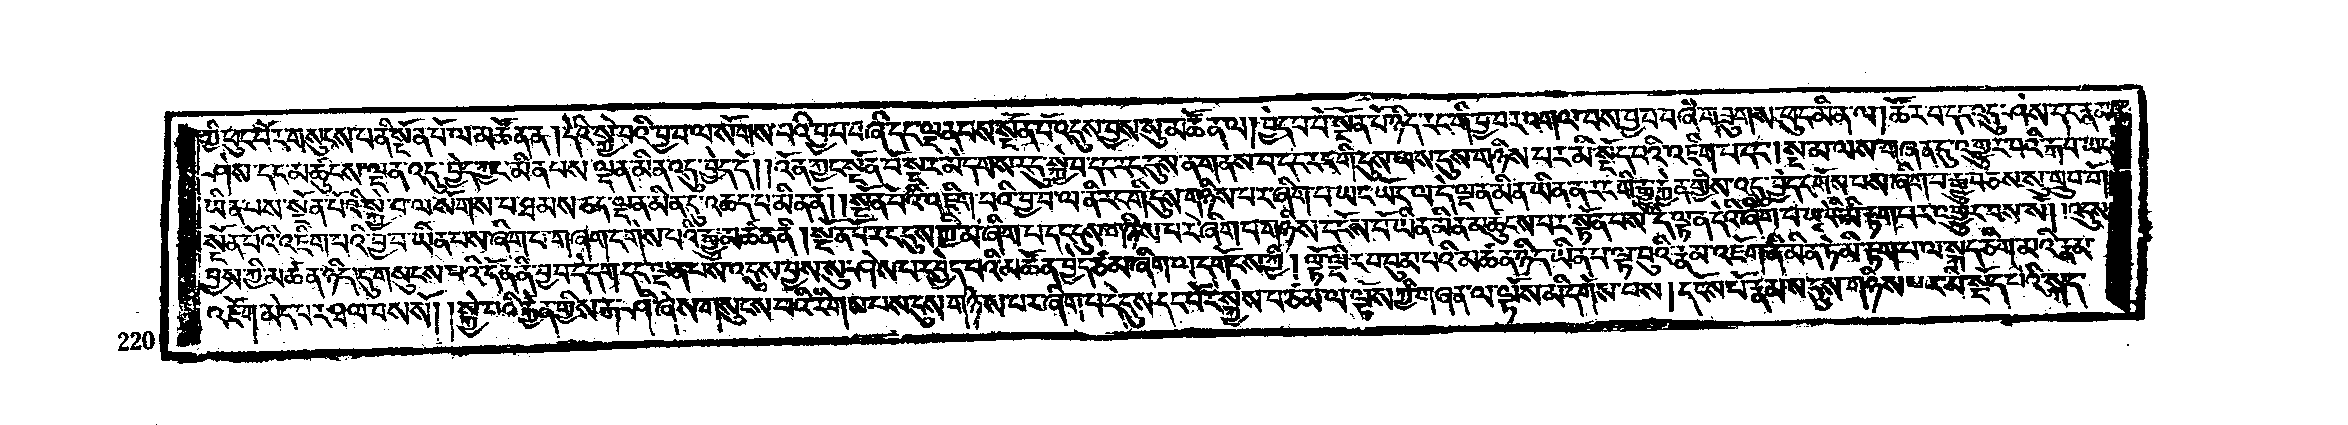ཀྱི་ཕུང་པུར་གསུངས་པ་ནི་སྔོན་པོ་ལ་མཚོན་ན། དེའི་སྐྱེ་བའི་བྱ་བ་ལ་སོགས་པའི་བྱ་བ་བཞི་དང་ལྡན་པས་སྔོན་པོ་འདུས་བྱས་སུ་མཚོན་ལ། བྱེད་པ་པོ་སྔོན་པོ་ཉིད་རང་གི་བྱ་བ་འགལ་བས་བྱ་བ་བཞི་གཟུགས་ཕུང་མིན་ལ། ཚོར་བ་དང་འདུ་ཤེས་དང་རྣམ་
དང་དྪུངས་ལྡན་འདུ་བྱེད་ཀྱང་མིན་པས་ལྡན་མིན་འདུ་བྱེད་དོ། །འོན་ཀྱང་སྔོན་པོ་སྔར་མེ་དགས་ར་དུ་སྐྱེ་བ་དང་རང་དུས་ན་གནས་པ་དང་རང་གི་དུས་ལས་དུས་གཉིས་པར་མི་སྔོད་པའི་འཇིག་པ་དག། སྔ་མ་ལས་གཞན་དུའགྱུར་བའི་རྒ་བ་ཡང་
ཡིན་པས་སྔོནྤོའི་སྐྱེ་བ་ལ་སོགས་པ་ཐམས་ཅད་ལྡན་མིན་དུ་འཆད་པ་མིན་ནོ། །སྔོན་པོའིའཇིག་བའི་བྱ་བ་ལ་ནི་རང་གི་དུས་གཉིས་པར་ཞིག་པ་ཡང་ཡོད་ལ་དེ་ལྡན་མིན་ཡིན་ན་རང་གི་རྒྱུ་རྐྱེན་གྱིས་འདུ་བྱེད་དགོས་པས་ཞིག་པ་རྒྱུ་བཅས་སུ་གྲུབ་བོ།།
སྔོན་པོའི་འཇིག་པའི་བྱ་བ་ཡིན་པས་ཞིག་པ་གཞག་དགེས་པའི་རྒྱུ་མཆན་ནོ། སྔོན་པོ་རང་དུ་ཀྱི་མ་ཞིག་པ་དང་དུས་གཉིས་པར་ཞིག་པ་གཉིས་དངོས་པོ་ཡིནྨིན་མཚུངས་པར་སྟོནྤས་དེ་ལྟ་ན་དེའི་ཞིག་པ་ཡཱ་དེ་མི་རྟག་པར་འགྱུར་བས་སོ། །འདུས་
བྱས་ཀྱི་མཚན་ཉིད་དུ་གསུངས་པའི་དོན་ནི་བྱ་བ་དེ་དག་དང་ལྡན་པས་འདུས་བྱས་སུ་ཤེས་པ་བྱེད་བའི་མཚོན་བྱེད་ཙམ་ཞིག་ལ་དགོངས་ཀྱི། ལྟོ་ལྡི་རབ་བུམ་པའི་མཚན་ཉིད་ཡིན་པ་ལྟ་བུའི་རྣམ་འཇོག་ནི་མིན་ཏེ་མི་རྟག་པ་ལ་སྐད་ཅིག་མའི་རྣམ་
འཇོག་མེད་པར་ཐལ་བས་སོ། །སྐྱེ་བའི་རྐྱེན་གྱིས་རྒ་ཤི་ཞེས་གསུངས་པའི་རིགས་པས་དུས་གཉིས་པར་ཞིག་བ་དེ་དུས་དང་བོར་སྐྱེས་པ་ཙམ་ལ་ལྟོས་ཀྱི་གཞན་ལ་ལྟོས་མི་དགོས་པས། དངོས་པོ་རྣམས་དུས་གཉིས་པར་མི་སྡོད་པའི་སྐད་